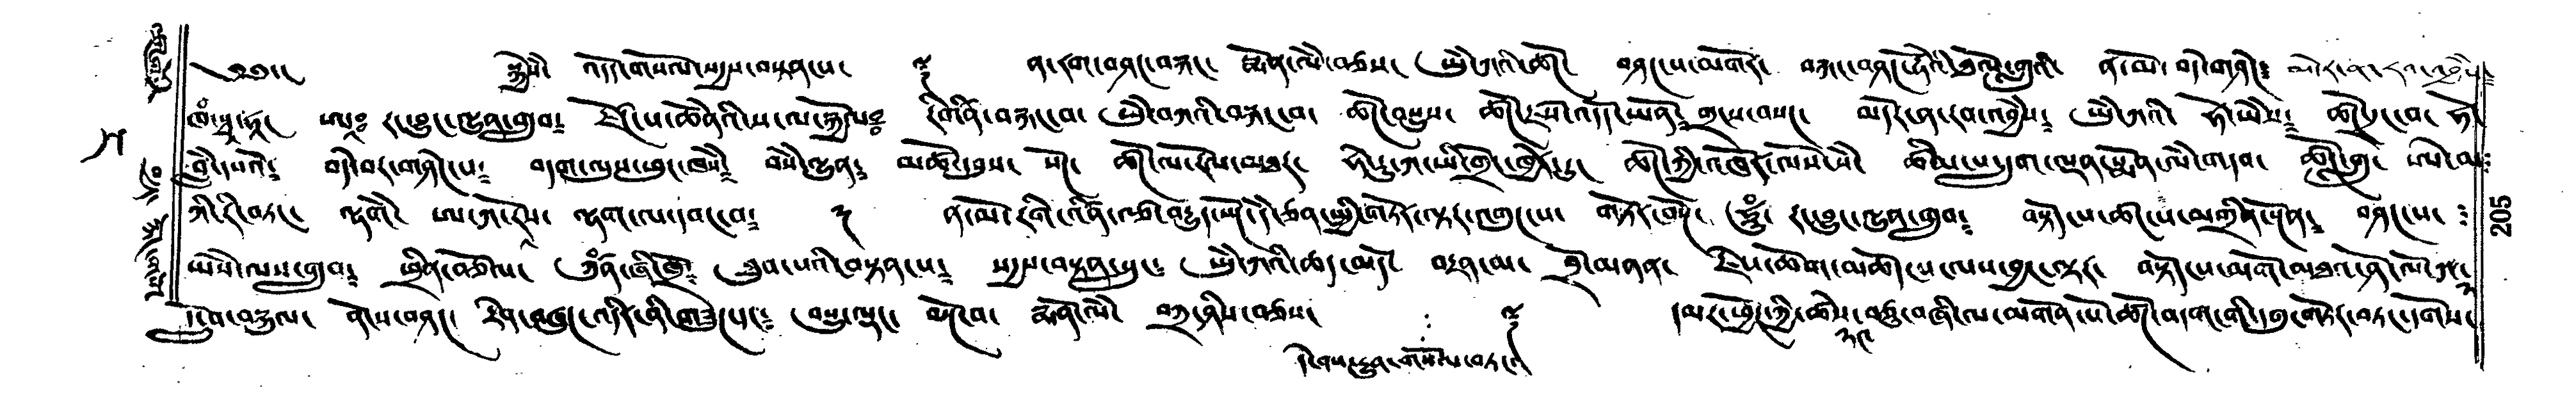སྐྱེམས། འདོད་གསོལ།སངས་རྒྱས་བསྟན་པ༴ ན་རག་བཤགས་སྐོང་། སྨོན་ལམ་བཅས། ཡུམ་ཀའི་ཚོགས། བཤགས་པ་མགོར། སྐོང་བཤགས་རྡོ་རྗེའི་ཐོལ་གླུའི། ན་མོ༔ བདེ་གཤེགས༴ 
ཁཾ་སྭཱ་ཧཱཿ ཨཱཿ རང་བྱུང་ལྷུན་གྲུབ༴ རྫོགས་པ་ཆེན་པོའི་ས་ལ་སྐྱོལཿ རིག་འཛིན་སྐོང་བ། ཡུམ་བཀའི་སྐོང་བ། ཚོགས་བསྡུས། ཚོགས་རྫས་འདོད་ཡོན༴ གྲངས་གསོག མདོར་ན་རབ་འབྱམས༴ ཡུམ་ཀའི། ཧོ། ཡེ་ཤེས༴ ཚོགས་དྲང་བ། ཧོ། 
བླ་མ་དཔའ་བོ༴ བདེ་བར་གཤེགས་པ༴ བདག་ལུས་ཕུང་ཁམས༴ བསམ་ལྷུན། མཚོ་དབུས༴ སོགས། ཚོགས་ལ་རོལ་མཐར། ཧེ་རུ་ཀ་ཡི་གྲོང་ཁྱེར་དུ། །ཚོགས་ཀྱི་འཁོར་ལོ༴ སོགས་ཚིམ་པ་དྲུག་ལྡན་སྨོན་ལམ་གདབ། ཚོགས་གླུ། ཨེ་མ་
ཀི་རི༴ བཏང་། ལྷག་མ། ཨ་ཀ་རཱོ༴། ལྷག་ལ་དབང་བ༴ ན་མོ། རིག་འཛིན་རྩ་བརྒྱུད༴ སོགས་དམ་ཅན་སྤྱི་གཏོར་ལྟར་འགུགས་པ། གཏོར་བསྔོ། ཧཱུྃ། རང་བྱུང་ལྷུན་གྲུབ༴ བསྟོད་པ། ཚངས་པ་མགྲིན་སྔོན༴ བཤགས་པ། 
ཡེ་ཤེས་ལས་གྲུབ། ཕྲིན་བཅོལ། ཀུན་བཟང་ཞི་ཁྲོ༴ ཐུབ་པའི་བསྟན་པ༴ སངས་རྒྱས་བསྟན་སྲུང་༴ ཡུམ་ཀའི་ཆད་མདོ། བརྟན་མ། བྲོ་མནན། རྗེས་ཆོག་མཆོད་པ་ལས་བྱང་ལྟར། བསྟོད་པའི་མགོ་མཐའ་ཤོ་ལོ་ཀ་གཉིས། 
དངོས་གྲུབ་བསྐུལ། ནོངས་བཤགས། རྟེན་བཞུགས། འདིར་ནི་གཟུགས་དང༴ བསྡུ་ལྡང་། བསྔོ་བ། སྨོན་ལམ། བཀྲ་ཤིས་བཅས་སོ། ༈ དམར་ཕྱོགས་ཀྱི་ཚེས་ཉེར་བཞི་ལ་མགོན་པོ་ཚོགས་བདག་གི་དགུ་གཏོར་གཏོང་དགོས་